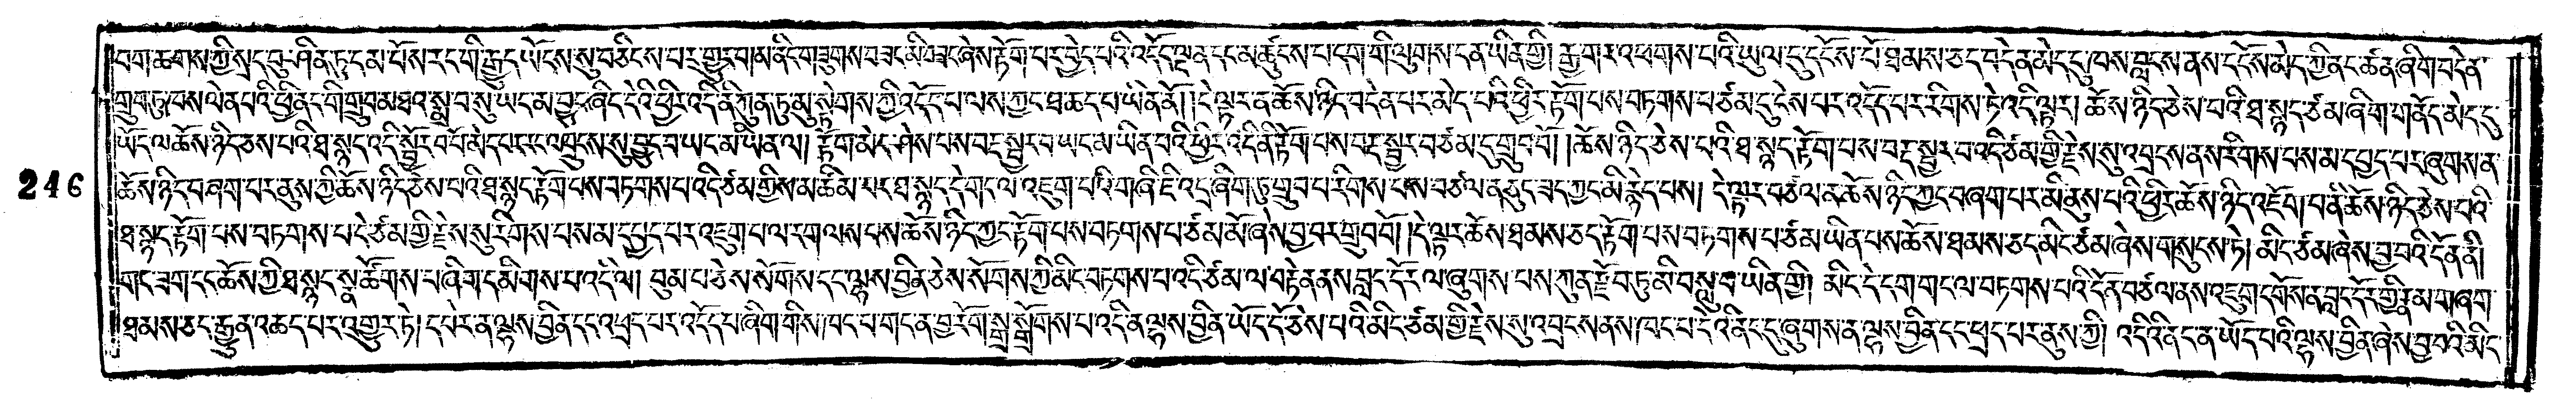བག་ཆགས་ཀྱི་སྲད་བུ་ཤིན་ཏུ་དམ་པོས་རང་གི་རྒྱུད་ཡོངས་སུ་བཅིངས་པར་གྱུར་བ། མ་ནིང་གཟུགས་བཟང་མི་བཟང་ཞེས་རྟོག་པར་བྱེད་པའི་འདོད་ལྡན་དང་མཚུངས་པ་དག་གི་ལུགས་ངན་ཡིན་གྱི། རྒྱ་གར་འཕགས་པའི་ཡུལ་དུ་དངོས་པོ་ཐམས་ཅད་བདེན་མེད་དུ་ཁས་བླངས་ནས་དངོས་མེད་ཀྱི་ནང་ཚན་ཞིག་བདེན་
གྲུབ་ཏུ་ཁས་ལེན་པའི་ཕྱི་ནང་གི་གྲུབ་མཐའ་སྨྲ་བ་སུ་ཡང་མ་བྱུང་ཞིང་དེའི་ཕྱིར་འདི་ནི་ཀུན་ཏུ་མུ་སྟེགས་ཀྱི་འདོད་པ་ལས་ཀྱང་ཐ་ཆད་པ་ཡིན་ནོ། །དེ་ལྟར་ན་ཆོས་ཉིད་བདེན་པར་མེད་པའི་ཕྱིར་རྟོག་པས་བཏགས་པ་ཙམ་དུ་ངེས་པར་འདོད་པར་རིགས་ཏེ་འདི་ལྟར། ཆོས་ཉིད་ཅེས་པའི་ཐ་སྙད་ཙམ་ཞིག་གནོད་མེད་དུ་
ཡོད་ལ་ཆོས་ཉིད་ཅས་པའི་ཐ་སྙད་འདི་སྦྱོར་བ་པོ་མེད་པར་རང་འཁྲུངས་སུ་བྱུང་བ་ཡང་མ་ཡིན་ལ། རྟོག་མེད་ཤེས་པས་བརྡ་སྦྱར་བ་ཡང་མ་ཡིན་པའི་ཕྱིར་འདི་ནི་རྟོག་པས་བརྡ་སྦྱར་བ་ཙམ་དུ་གྲུབ་བོ། །ཆོས་ཉིད་ཅེས་པའི་ཐ་སྙད་རྟོག་པས་བརྡ་སྦྱར་བ་འདི་ཙམ་གྱི་རྗེས་སུ་འབྲངས་ནས་རིགས་པས་མ་དཔྱད་པར་ཞུགས་ན་
ཆོས་ཉིད་བཞག་པར་ནུས་ཀྱི་ཆོས་ཉིད་ཅེས་པའི་ཐ་སྙད་རྟོག་པས་བཏགས་པ་འདི་ཙམ་གྱིས་མཚིམ་པར་ཐ་སྙད་དེ་གང་ལ་འཇུག་པའི་གཞི་ཇི་འདྲ་ཞིག་ཏུ་གྲུབ་པ་རིགས་པས་བཙལ་ན་ཅུང་ཟད་ཀྱང་མི་རྙེད་པས། དེ་ལྟར་བཙལ་ན་ཆོས་ཉིད་ཀྱང་བཞག་པར་མི་ནུས་པའི་ཕྱིར་ཆོས་ཉིད་འཇོག་པ་ནི་ཆོས་ཉིད་ཅེས་པའི་
ཐ་སྙད་རྟོག་པས་བཏགས་པ་དེ་ཙམ་གྱི་རྗེས་སུ་རིགས་པས་མ་དཔྱད་པར་འཇུག་པ་ལ་རག་ལས་པས་ཆོས་ཉིད་ཀྱང་རྟོག་པས་བཏགས་པ་ཙམ་མོ་ཞེས་བྱ་བར་གྲུབ་བོ། །དེ་ལྟར་ཆོས་ཐམས་ཅད་རྟོག་པས་བཏགས་པ་ཙམ་ཡིན་པས་ཆོས་ཐམས་ཅད་མིང་ཙམ་ཞེས་གསུངས་ཏེ། མིང་ཙམ་ཞེས་བྱ་བའི་དོན་ནི།
གང་ཟག་དང་ཆོས་ཀྱི་ཐ་སྙད་སྣ་ཚོགས་པ་ཞིག་དམིགས་པ་འདི་ལ། བུམ་པ་ཅེས་སོགས་དང་ལྷས་བྱིན་ཅེས་སོགས་ཀྱི་མིང་བཏགས་པ་འདི་ཙམ་ལ་བརྟེན་ནས་བླང་དོར་ལ་ཞུགས་པས་ཀུན་རྫོབ་ཏུ་མི་བསླུ་བ་ཡིན་གྱི། མིང་དེ་དག་གང་ལ་བཏགས་པའི་དོན་བཙལ་ནས་འཇུག་དགོས་ན་བླང་དོར་གྱི་རྣམ་གཞག་
ཐམས་ཅད་རྒྱུན་འཆད་པར་འགྱུར་ཏེ། དཔེར་ན་ལྷས་བྱིན་དང་འཕྲད་པར་འདོད་པ་ཞིག་གིས་ཁང་པ་གང་ན་བྱ་རོག་སྒྲ་སྒྲོགས་པ་འདི་ན་ལྷས་བྱིན་ཡོད་དོ་ཅེས་པའི་མིང་ཙམ་གྱི་རྗེས་སུ་འབྲངས་ནས་ཁང་པ་དེའི་ནང་དུ་ཞུགས་ན་ལྷས་བྱིན་དང་ཕྲད་པར་ནུས་ཀྱི། འདིའི་ནང་ནས་ཡོད་པའི་ལྷས་བྱིན་ཞེས་བྱ་བའི་མིང་